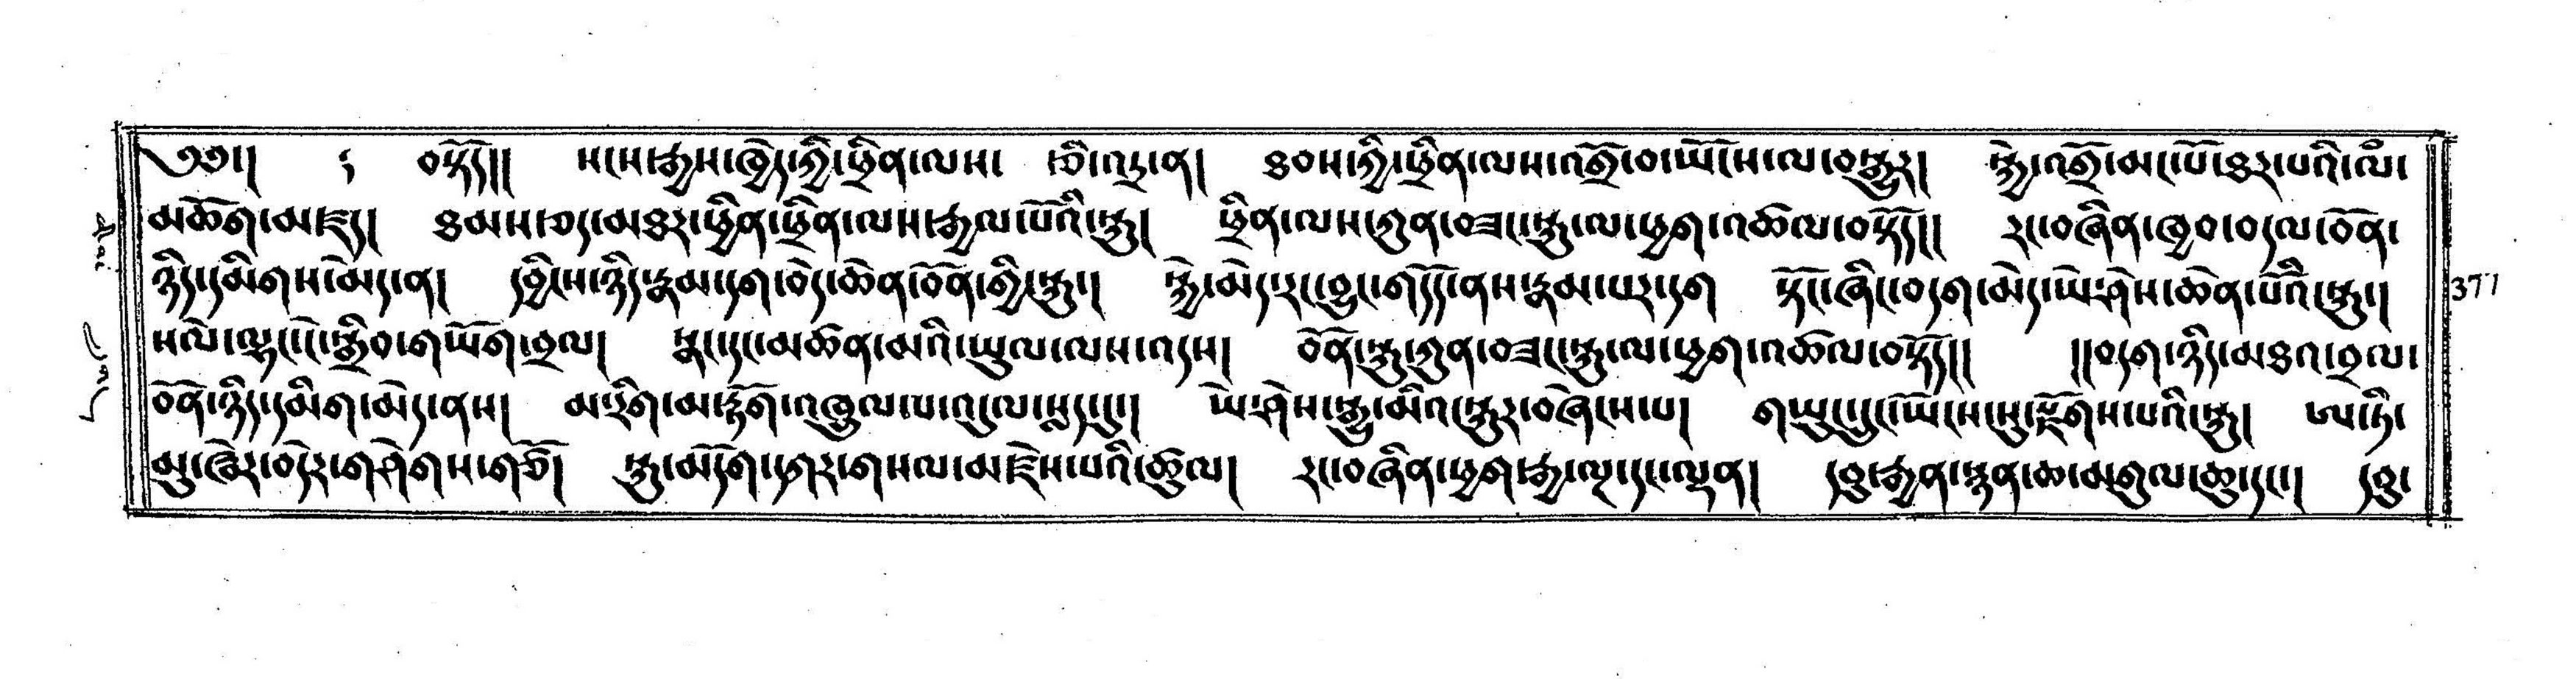བསྟོད། སངས་རྒྱས་ཁྱེད་ཀྱི་ཕྲིན་ལས་ཅི་འདྲ་ན། ཐབས་ཀྱི་ཕྲིན་ལས་འགྲོ་བ་ཡོངས་ལ་བསྒྱུར། སྐྱེ་འགྲོ་མང་པོ་ཐར་པའི་ལམ་
མཆོག་མཛད། ཐམས་ཅད་མཐར་ཕྱིན་ཕྲིན་ལས་རྒྱལ་པོའི་སྐུ། ཕྲིན་ལས་ཀུན་བཟང་སྐུ་ལ་ཕྱག་འཚལ་བསྟོད།། རང་བཞིན་ཁྱབ་བདལ་བོན་
ཉིད་དམིགས་མེད་ན། དབྱིངས་ཉིད་རྣམ་དག་བདེ་ཆེན་བོན་གྱི་སྐུ། སྐྱེ་མེད་རང་བྱུང་གདོད་ནས་རྣམ་པར་དག སྟོང་ཞིང་བདག་མེད་ཡེ་ཤེས་ཆེན་པོའི་སྐུ། 
སལེ་ལྷང་ངེ་སྒྲིབ་གཡོག་བྲལ། སྣང་དང་མཚན་མའི་ཡུལ་ལས་འདས། བོན་སྐུ་ཀུན་བཟང་སྐུ་ལ་ཕྱག་འཚལ་བསྟོད།། །།བདག་ཉིད་མཐའ་བྲལ་
བོན་ཉིད་དམིགས་མེད་ནས། མ་རིག་མ་རྟོག་འཁྲུལ་པ་འདུལ་སླད་དུ། ཡེ་ཤེས་སྒྱུ་མའི་སྐུར་བཞེངས་པ། གཡུང་དྲུང་ཡོངས་སུ་རྫོགས་པའི་སྐུ། ཨ་ཏི་
མུ་ཝེར་བདེར་གཤེགས་གཙོ། སྐུ་མདོག་དཀར་གསལ་མཛེས་པའི་ཚུལ། རང་བཞིན་ཕྱག་རྒྱ་ལྔ་དང་ལྡན། དབུ་རྒྱན་སྙན་ཆ་མགུལ་ཆུ་དང་། དབུ་